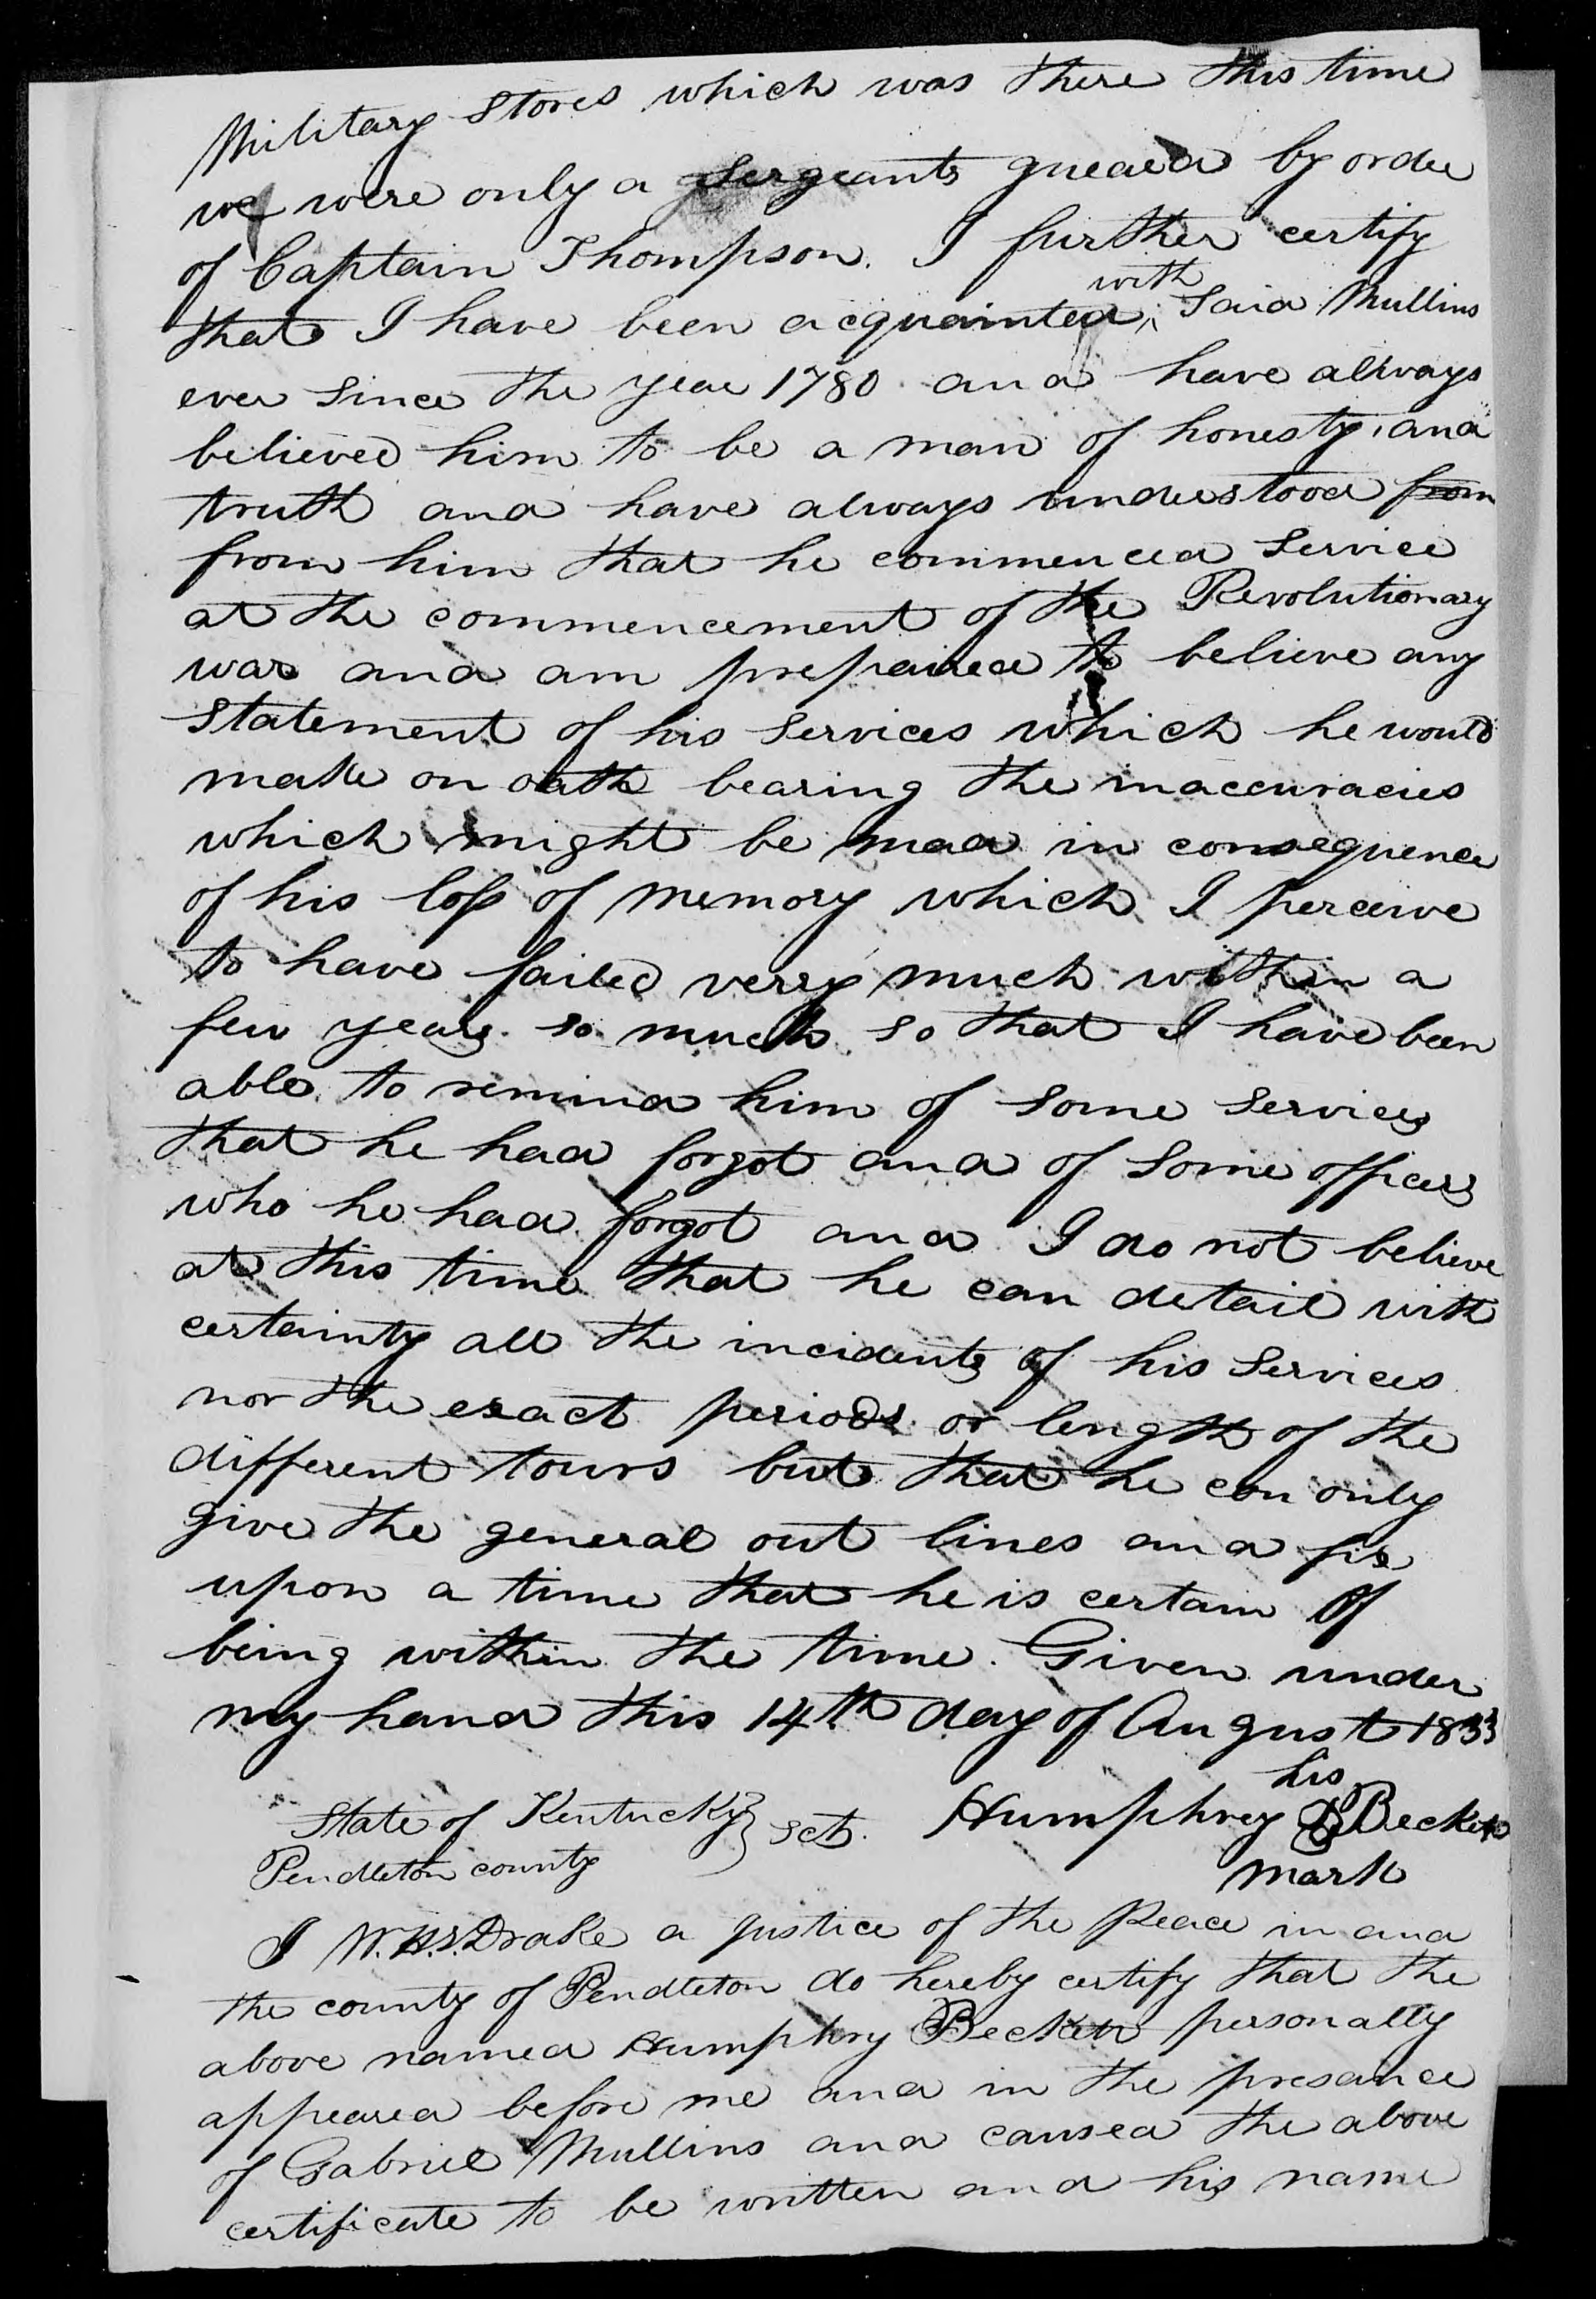Military stores which was there this time
we were only a Sergeants guard by order
of Captain Thompson. I further certify
that I have been acquainted ^with the said Mullins
ever since the year 1780 and have always
believed him to be a man of honesty and
truth and have always understood from
from him that he commenced service
at the commencement of the Revolutionary war
and am prepared to believe any
statement of his services which he would
make on oath bearing the inaccuracies
which might be made in consequence
of his loss of memory which I perceive
to have failed very much within a
few years so much so that I have been
able to remind him of some services
that he had forgot and of some officers
who he had forgot and I do not believe
at this time that he can detail with
certainty all the incidents of his services
nor the exact periods or length of the
different tours but that he can only
give the general out lines and [illegible]
upon a time that he is certain of
being within the time. Given under
my hand this 14th day of August 1833
-Humphrey Beckett, his mark X
State of Kentucky }
Pendleton County} Set
W. H. N. Drake a Justice of the Peace in and
the County of Pendleton do hereby certify that the
above named Humphry Becket personally
appeared before me and in the presence
of Gabriel Mullins and caused the above
certificate to be written and his name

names: Gabriel Mullins; Humphrey Beckett; [BLANK] Mullins; W H N Drake; [BLANK] Thompson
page: 13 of 34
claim: survivor's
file: S. 30608, for Gabrel Mullins, Virginia